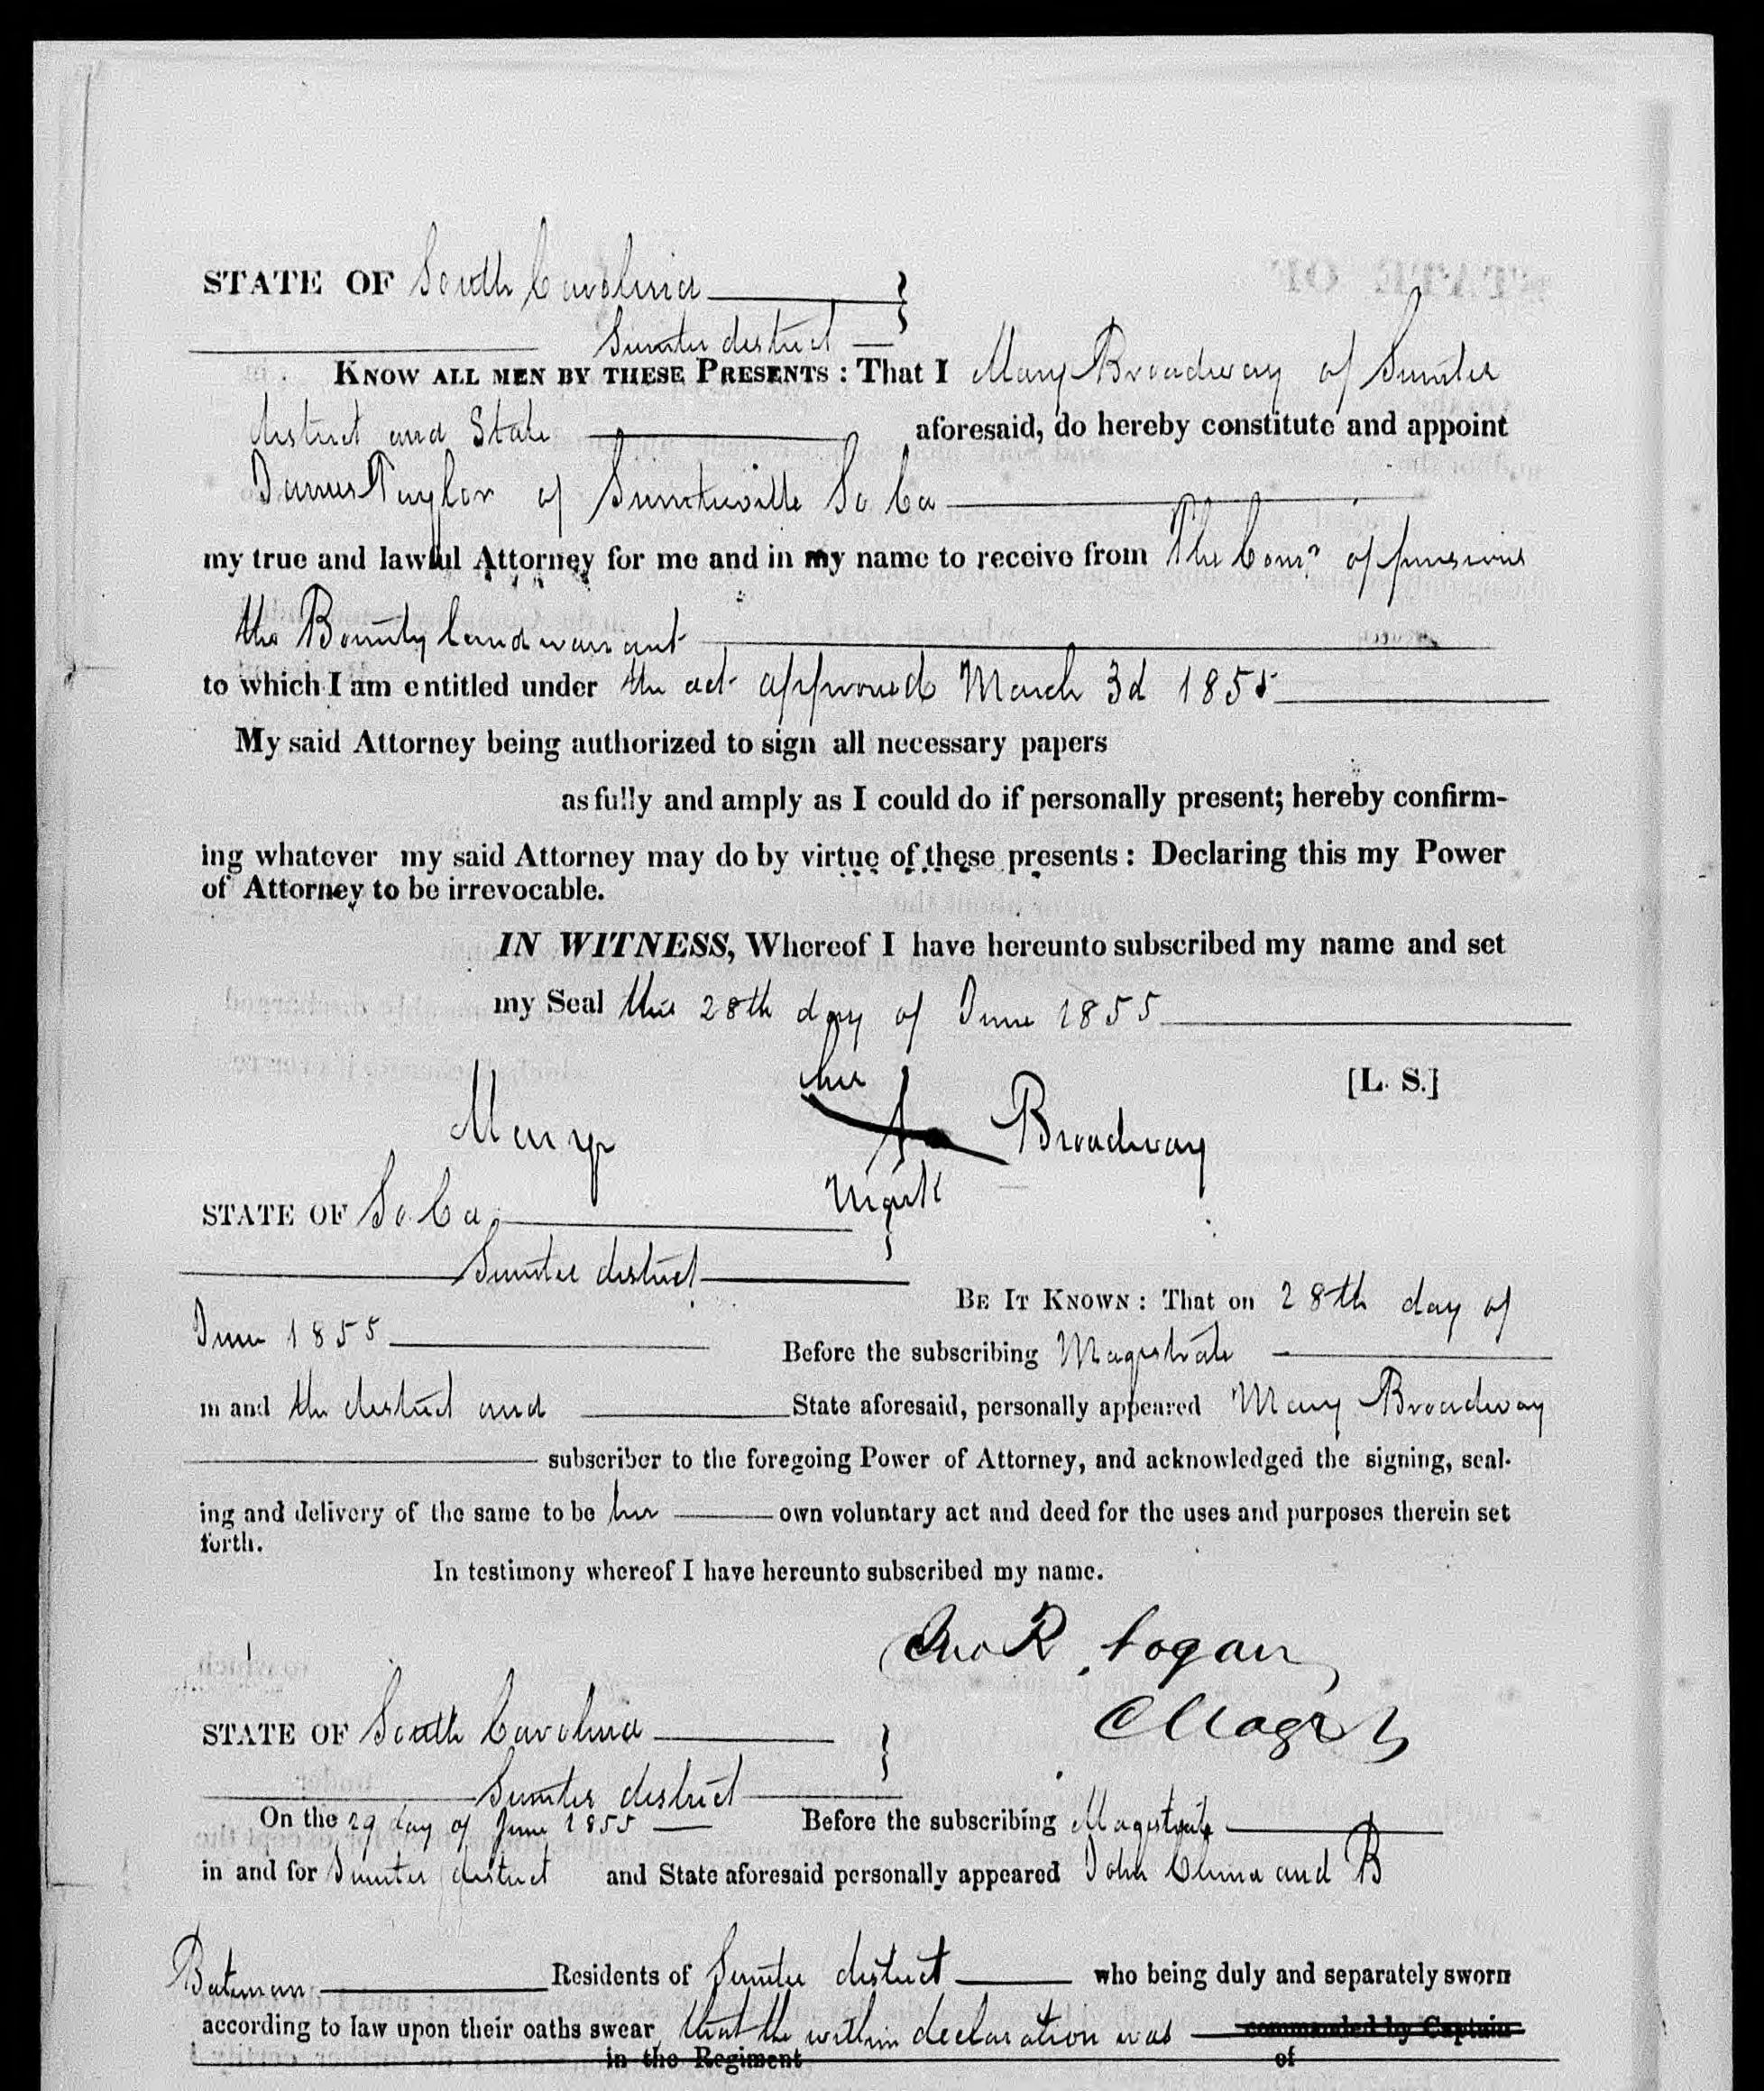STATE OF South Carolina}
Sumter district}
KNOW ALL MEN BY THESE PRESENTS: That I Mary Broadway of Sumter district and State aforesaid, do hereby constitute and appoint James Taylor of Sumterville So. Ca. my true and lawful Attorney for me and in my name to receive from the Comr. of pensions the Bounty land warrant to which I am entitled under the act approved March 3d 1858 
My said Attorney being authorized to sign all necessary papers as fully and amply as I could do if personally present; hereby confirming whatever my said Attorney may do by virtue of these presents: Declaring this my Power of Attorney to be irrevocable.
IN WITHNESS, Whereof I have hereunto subscribed my name and set my Seal the 28th day of June 1855
Mary Broadway (her x mark [L.S.]

State of So. Ca.}
Sumter district} BE IT KNOWN: That on 28th day of June 1855 Before the subscribing Magistrate in and the district and State aforesaid, personally appeared Mary Broadway subscriber to the foregoing Power of Attorney, and acknowledged the signing, sealing and delivery of the same to be her own voluntary act and deed for the uses and purposes therein set forth.
In testimony whereof I have hereunto subscribed my name.
Jno R Logan
Magst

STATE OF South Carolina}
Sumter district}
On the 29 day of June 1855 Before the subscribing Magistrate in and for Sumter district and State aforesaid personally appeared John China and B Bateman Residents of Sumter district who being duly and separately sworn according to law upon their oaths swear that the within declaration was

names: Mary Broadway, James Taylor, Mary Broadway, Mary Broadway, B Bateman, John China, Jno R Logan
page: 8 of 98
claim: widow's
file: W. 8398, William Broadway, S.C.